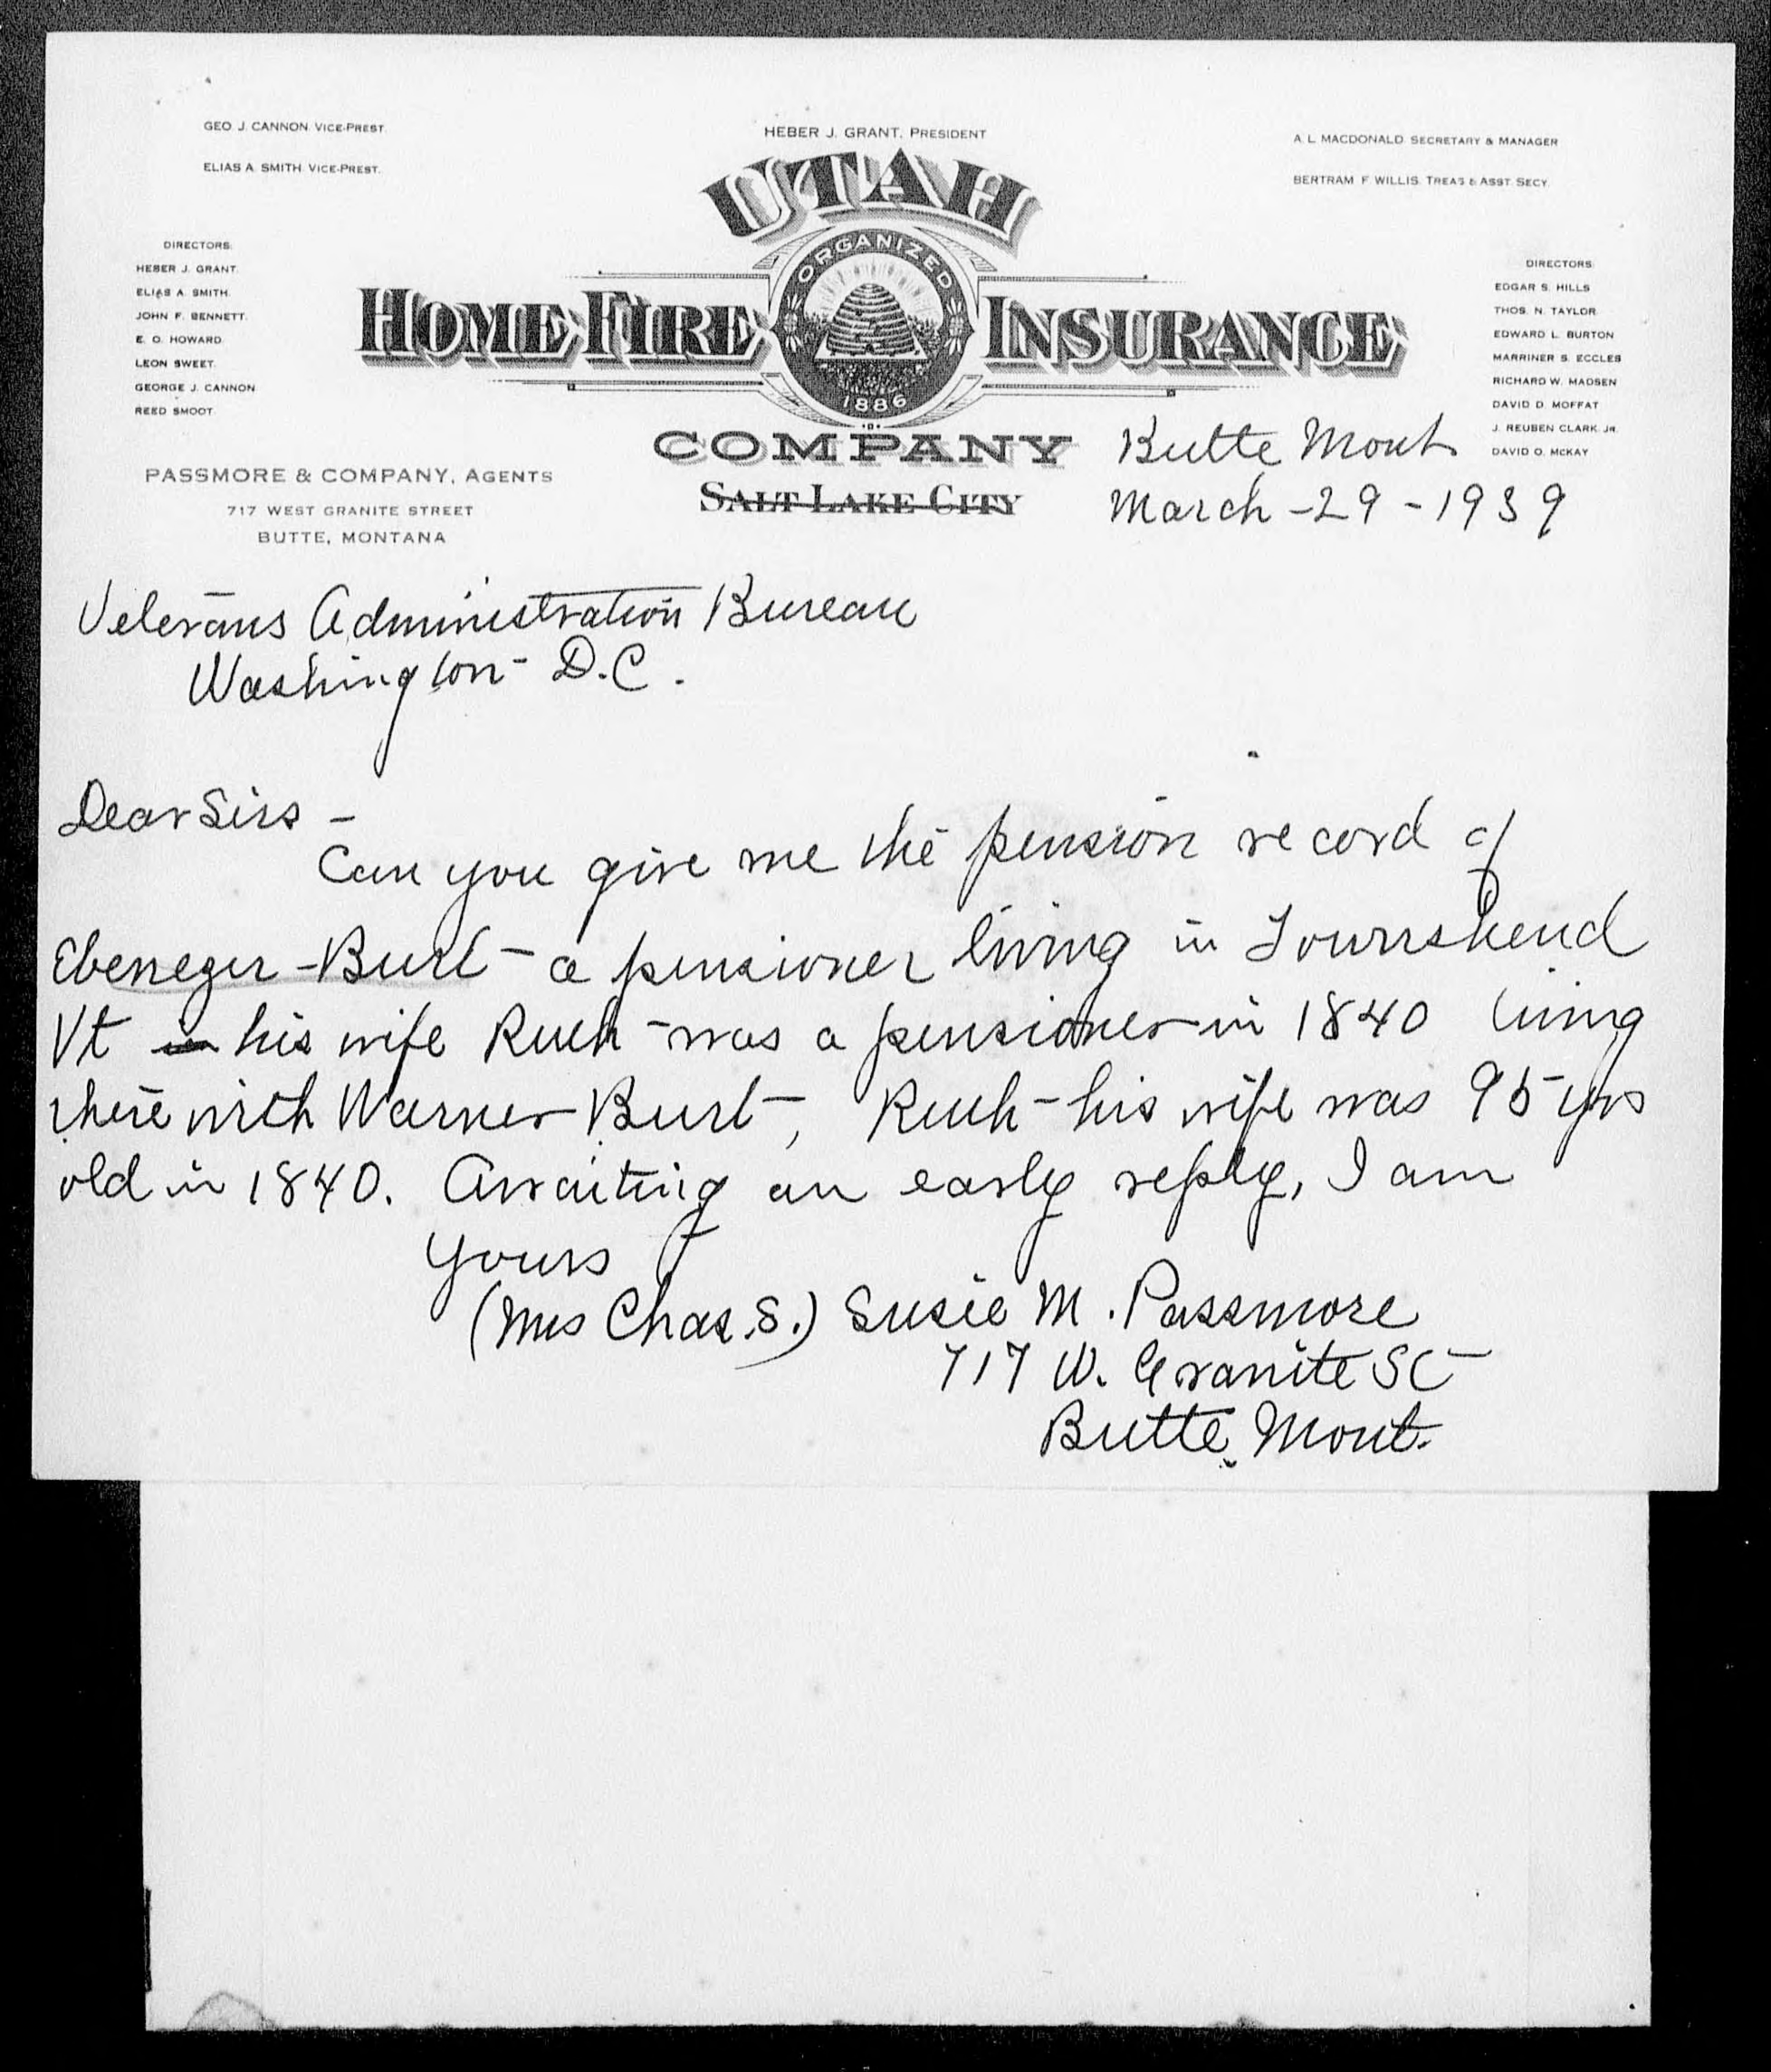HEBER J. GRANT, PRESIDENT
UTAH
HOME-FIRE (ORGANIZED 1886) INSURANCE
COMPANY
BUTTE MOUT
MARCH - 29 - 1939

GEO J. CANNON, VICE-PREST.
ELIAS A. SMITH, VICE-PREST.
A. L. MACDONALD, SECRETARY & MANAGER
BERTRAM F. WILLIS, TREAS & ASST. SECY.

DIRECTORS
HEBER J. GRANT.
ELIAS A. SMITH.
JOHN F. BENNETT.
E. O. HOWARD.
LEON SWEET.
GEORGE J. CANNON.
REED SMOOT.

DIRECTORS
EDGAR S HILLS
THOS. N. TAYLOR
EDWARD L. BURTON
MARRINER S. ECCLES
RICHARD W. MADSEN
DAVID D. MOFFAT
J. REUBEN CLARK, JR.
DAVID O. MCKAY

PASSMORE & COMPANY, AGENTS
17 WEST GRANITE STREET
BUTTE, MONTANA

Veterans Administration Bureau
Washington D.C.

Dear Sirs - 
Can you give me the pension record of
Ebenezer Burt - a pensioner living in Townshend Vt his wife Ruth was a pensioner in 1840 living there with Warner Burt, Ruth - his wife was 95 yrs old in 1840. Awaiting an early reply, I am
Yours -
(Mrs Chas. S.) Susie M. Passmore
717 W. Granite St
Butte, Mont.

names: Elias A Smith, John F Bennett, Richard W Madsen, E C Howard, A L Macdonald, Heber J Grant, David C Mckay, David D Moffat, Geo J Cannon, Thos H Taylor, Reed Smoot, Elias A Smith, Ruth, George J Cannon, Ebenezer Burt, Bertram F Willis, Edgar S Hills, Howard L Burton, Leon Sweet, J Reuben Clark, Warner Burt, Marriner S Eccles, Chas S Passmore, Susie M Passmore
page: 14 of 17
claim: widow's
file: W. 20809, Ebenezer Burt, Mass.